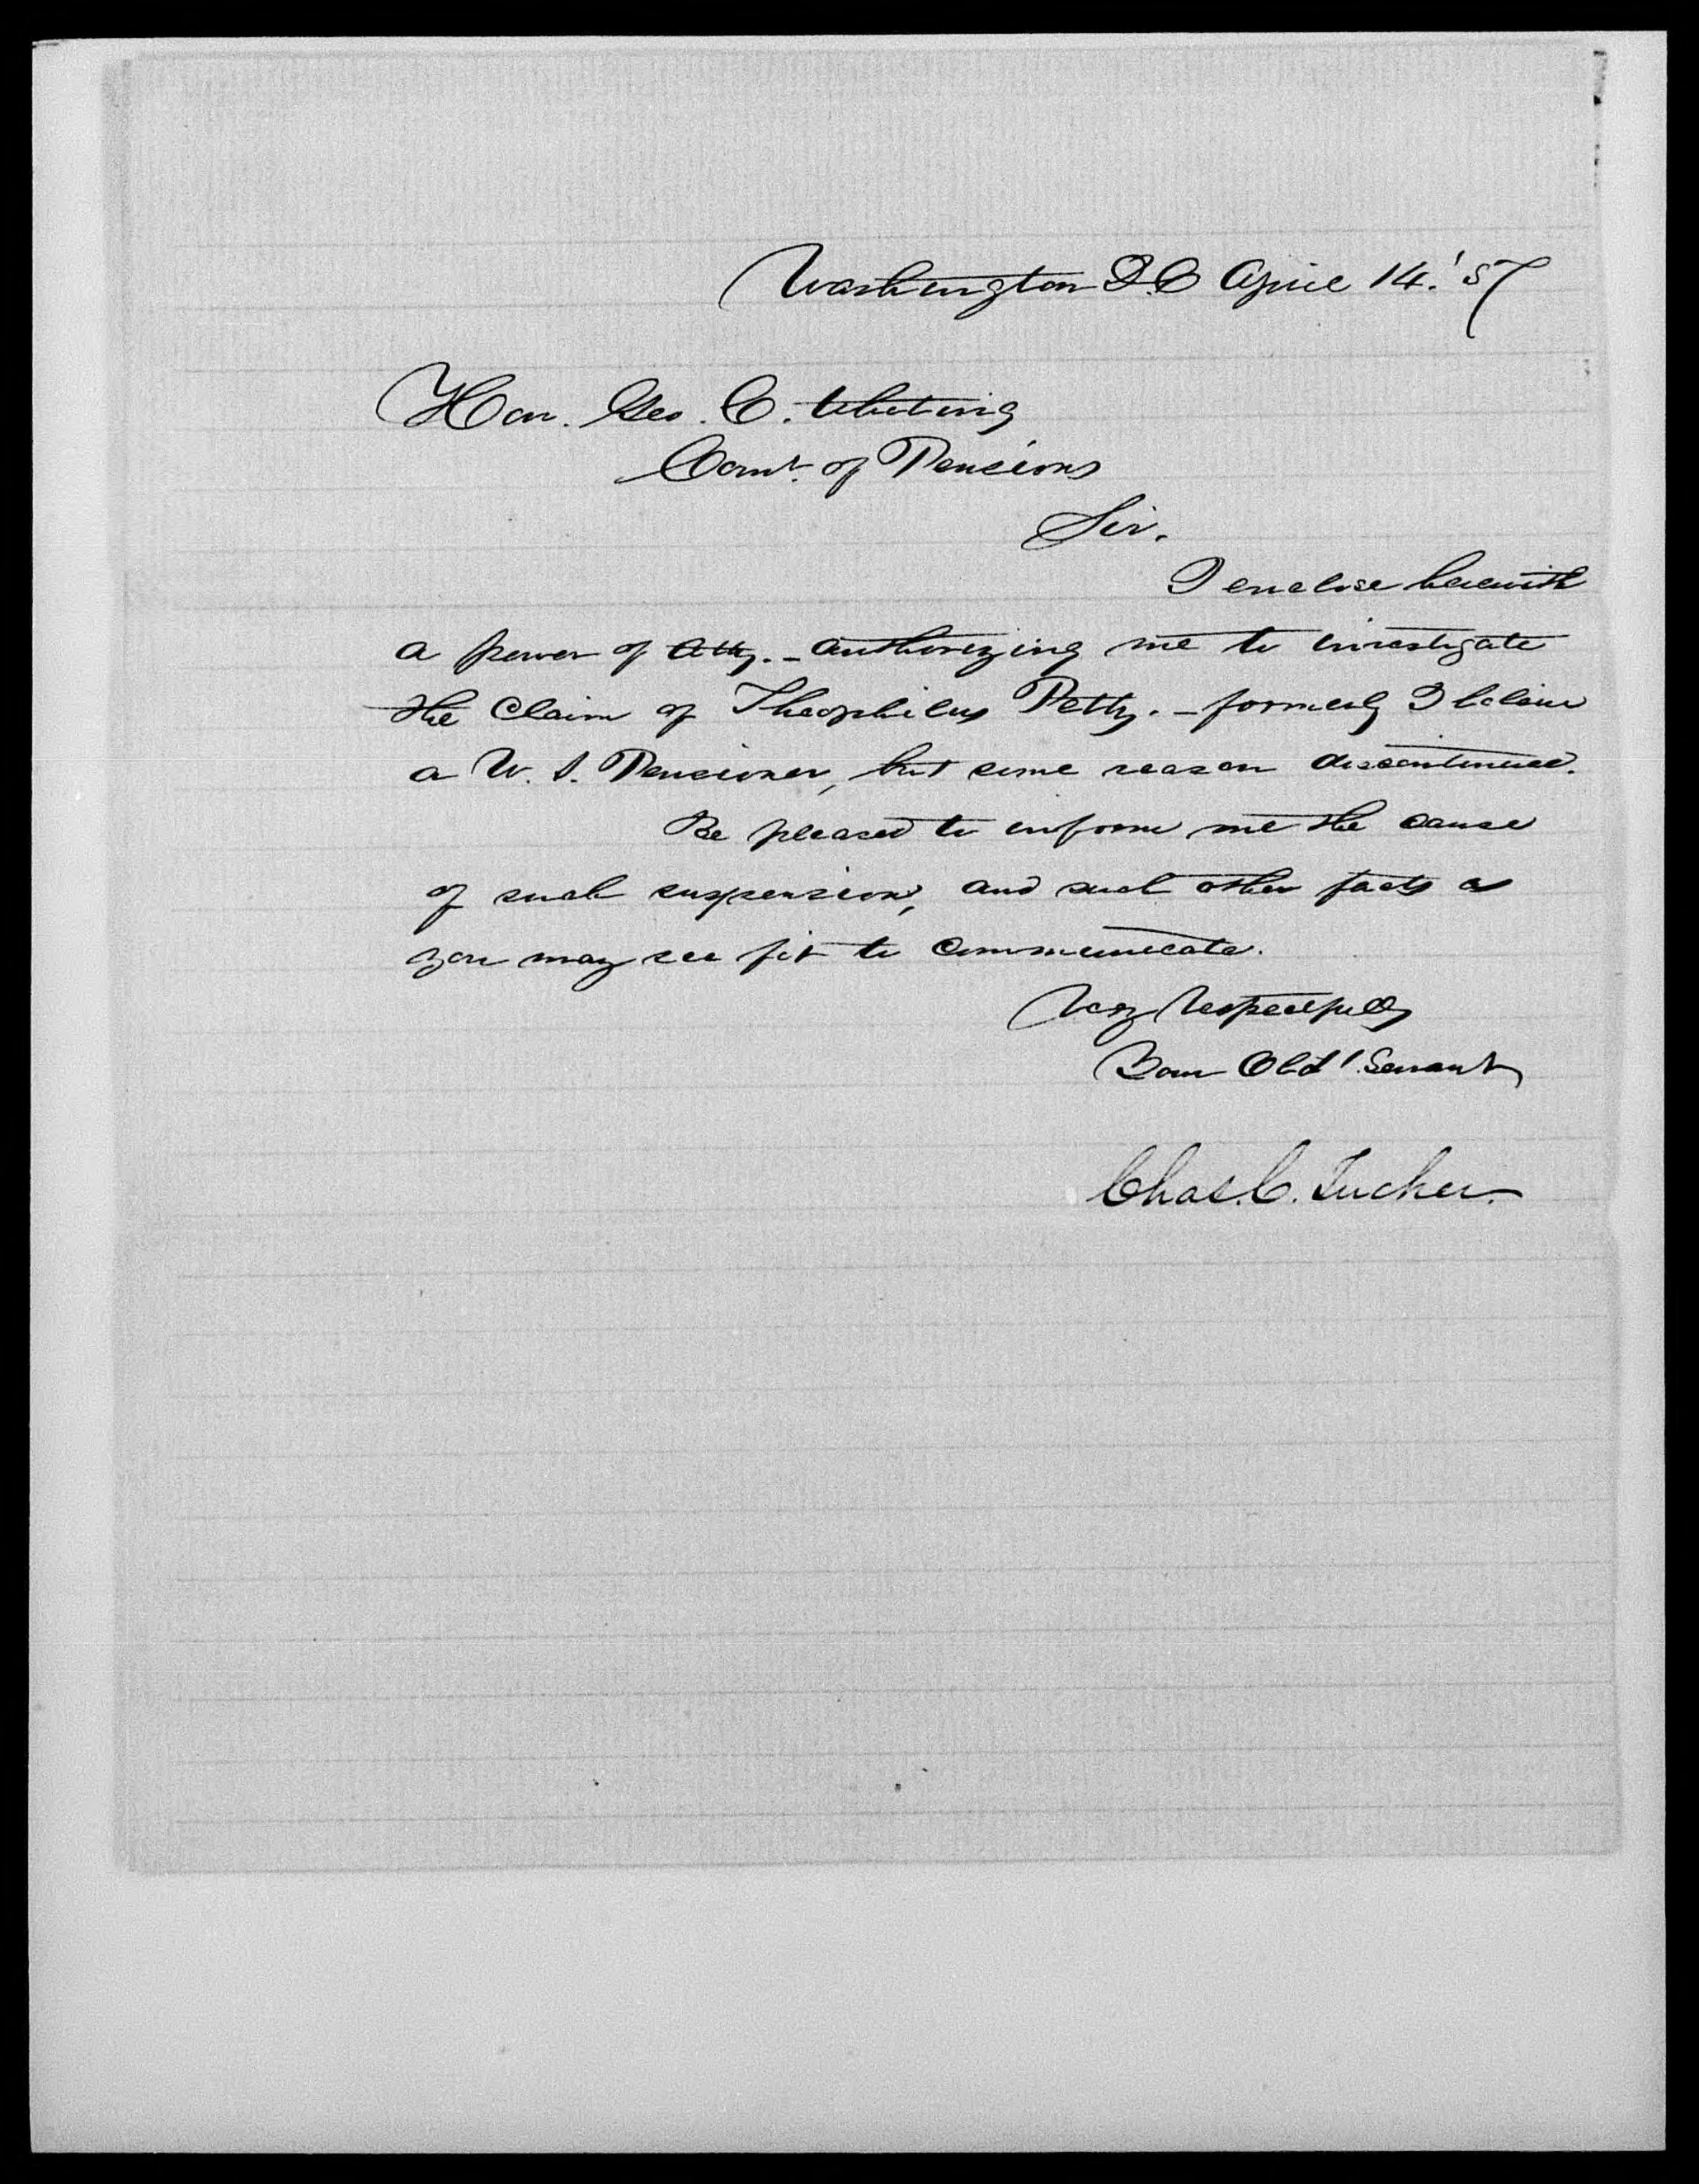Washington DC April 14 57
Hon Geo C Whiting
Comr of Pensions
Sir
I enclose herewith a power of atty authorizing me to investigate the claim of Theophilus Petty formerly I believe a US Pensioner but some reason discontinued
Be pleased to ifnorm me the cause of such suspension and such other facts as you may see fit to communicate
Very respectfully
Your obdt servant
Chas C Tucker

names: Theophilus Petty; Chas C Tucker; Geo C Whiting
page: 17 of 26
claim: rejected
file: R. 8,161, for Theophilus Petty, South Carolina